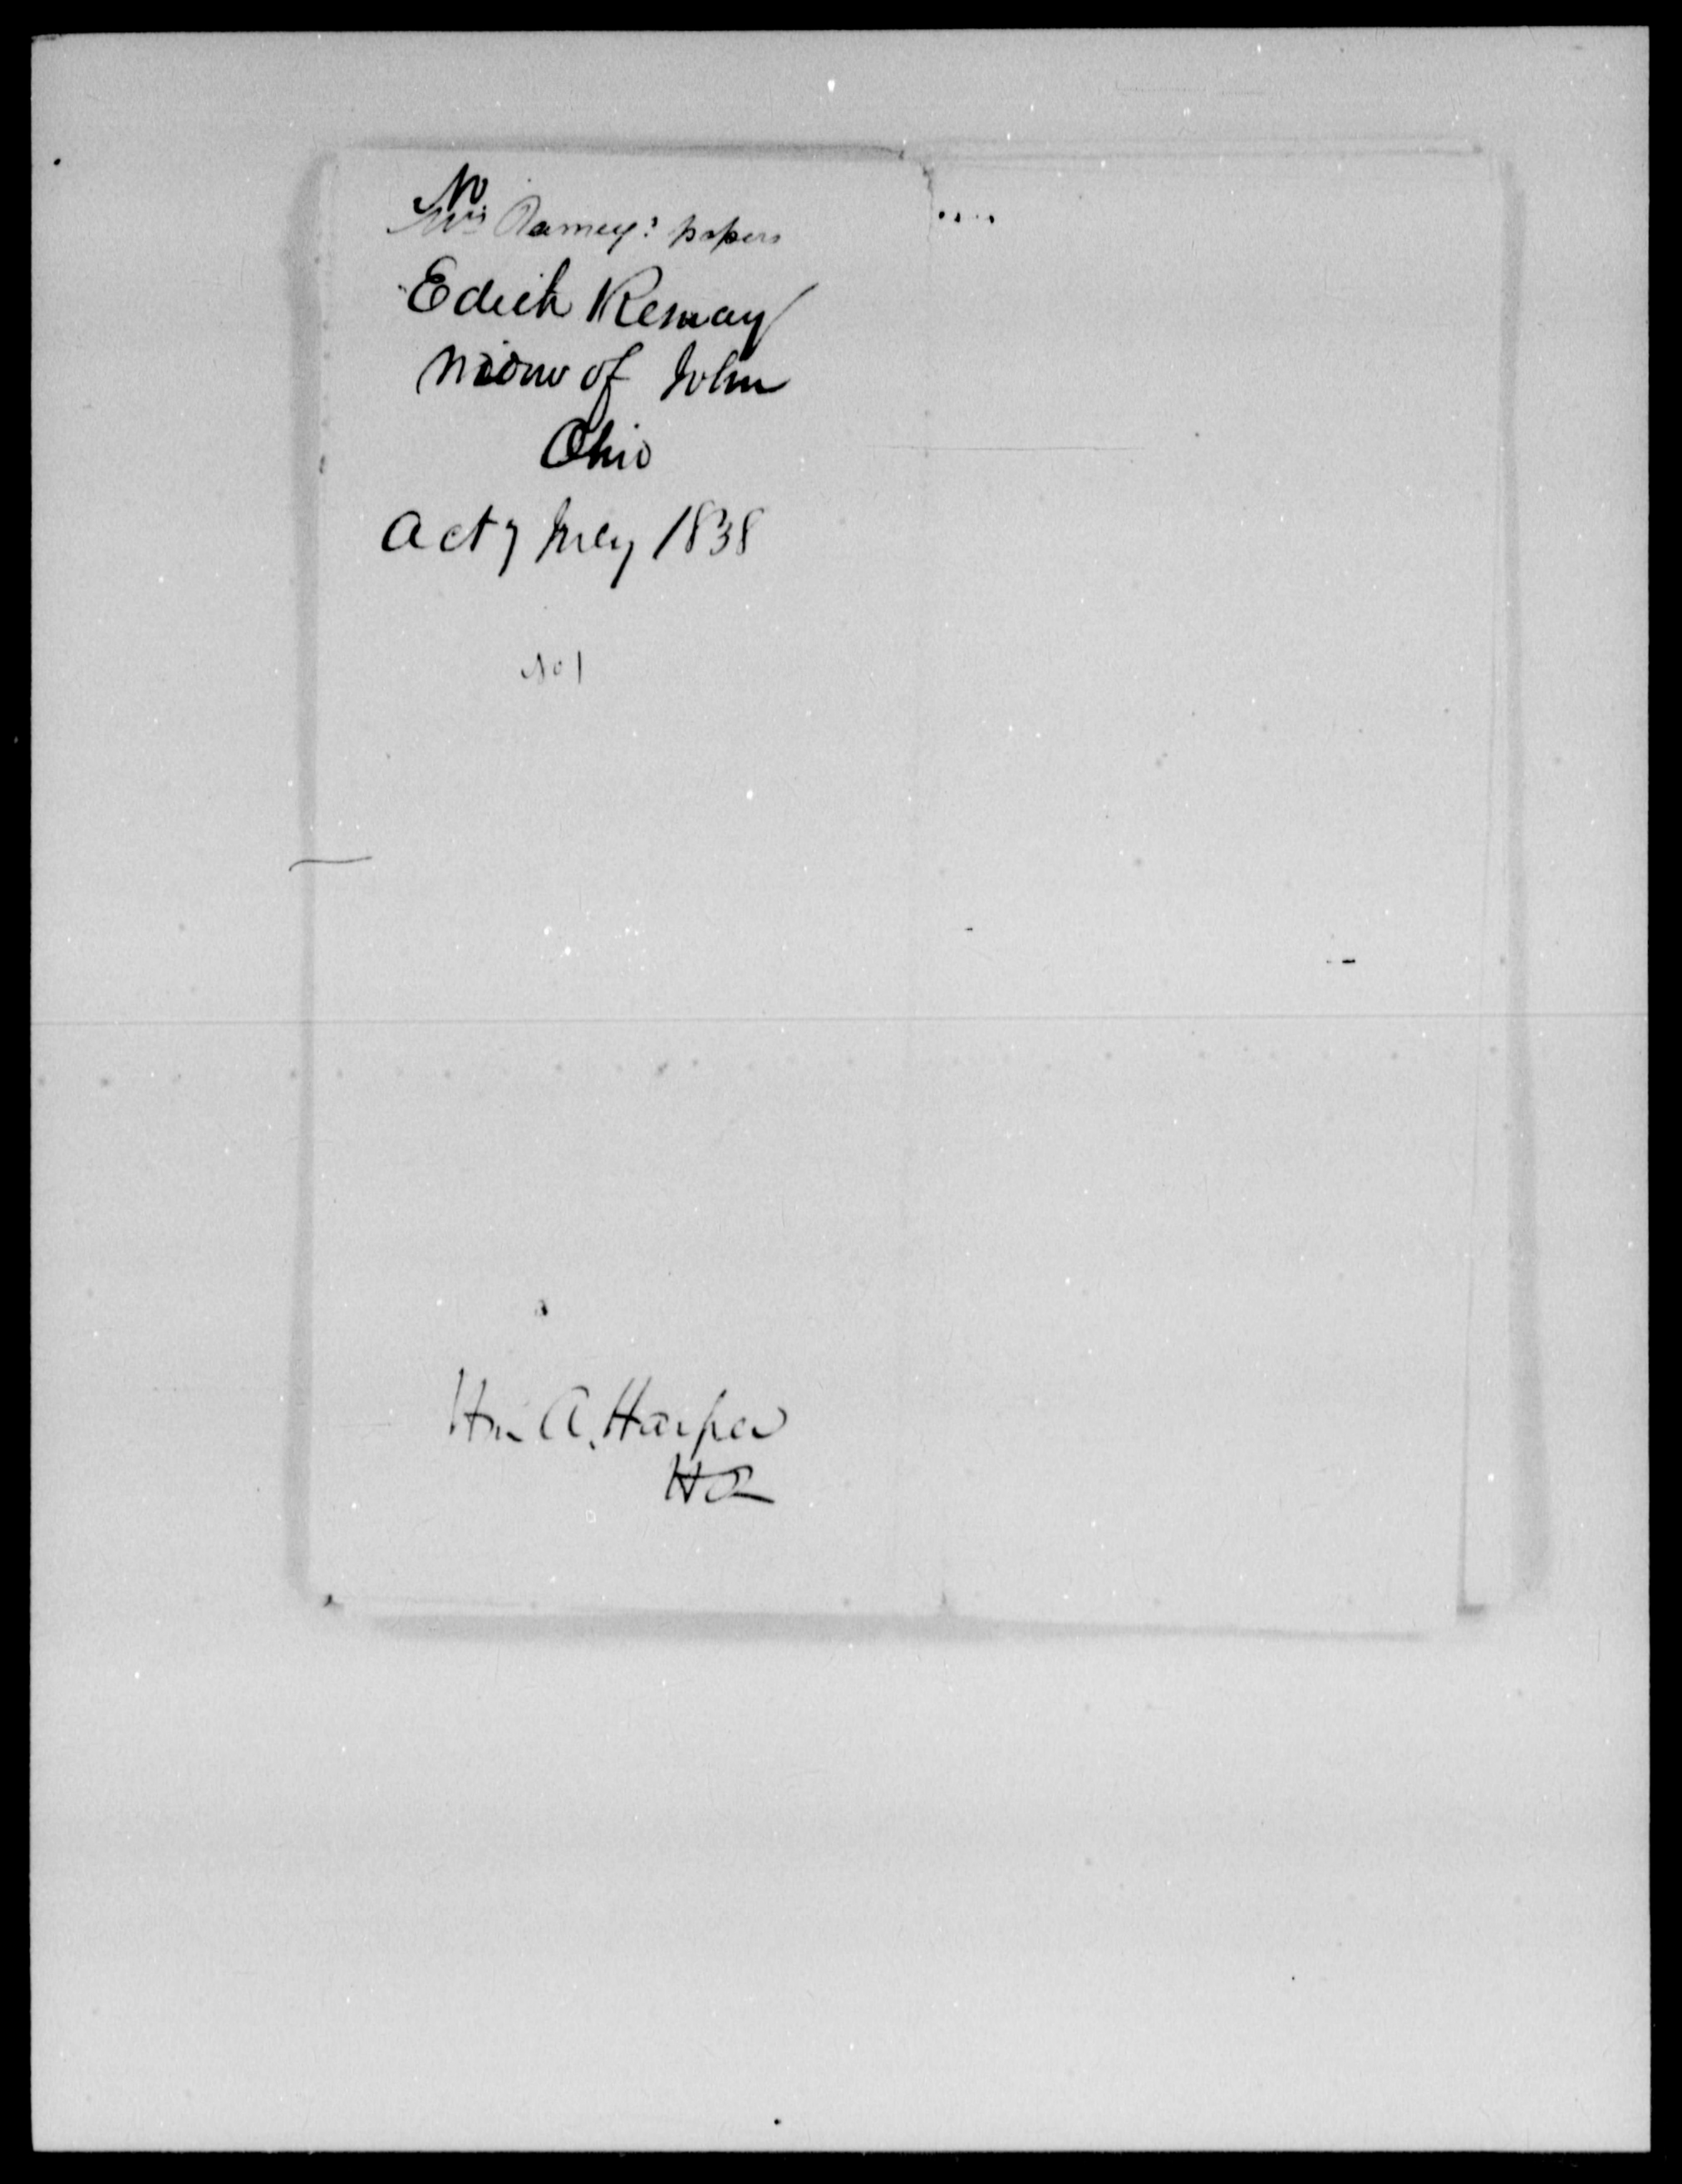No
Mrs. Ramey's papers
Edith Remay
widow of John
Ohio
Act 7 July 1838
No 1
Hon A. Harper
HR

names: Edith Remay; John Remay; A Harper; [BLANK] Ramey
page: 76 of 84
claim: widow's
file: W.11104, for John Remay, Virginia